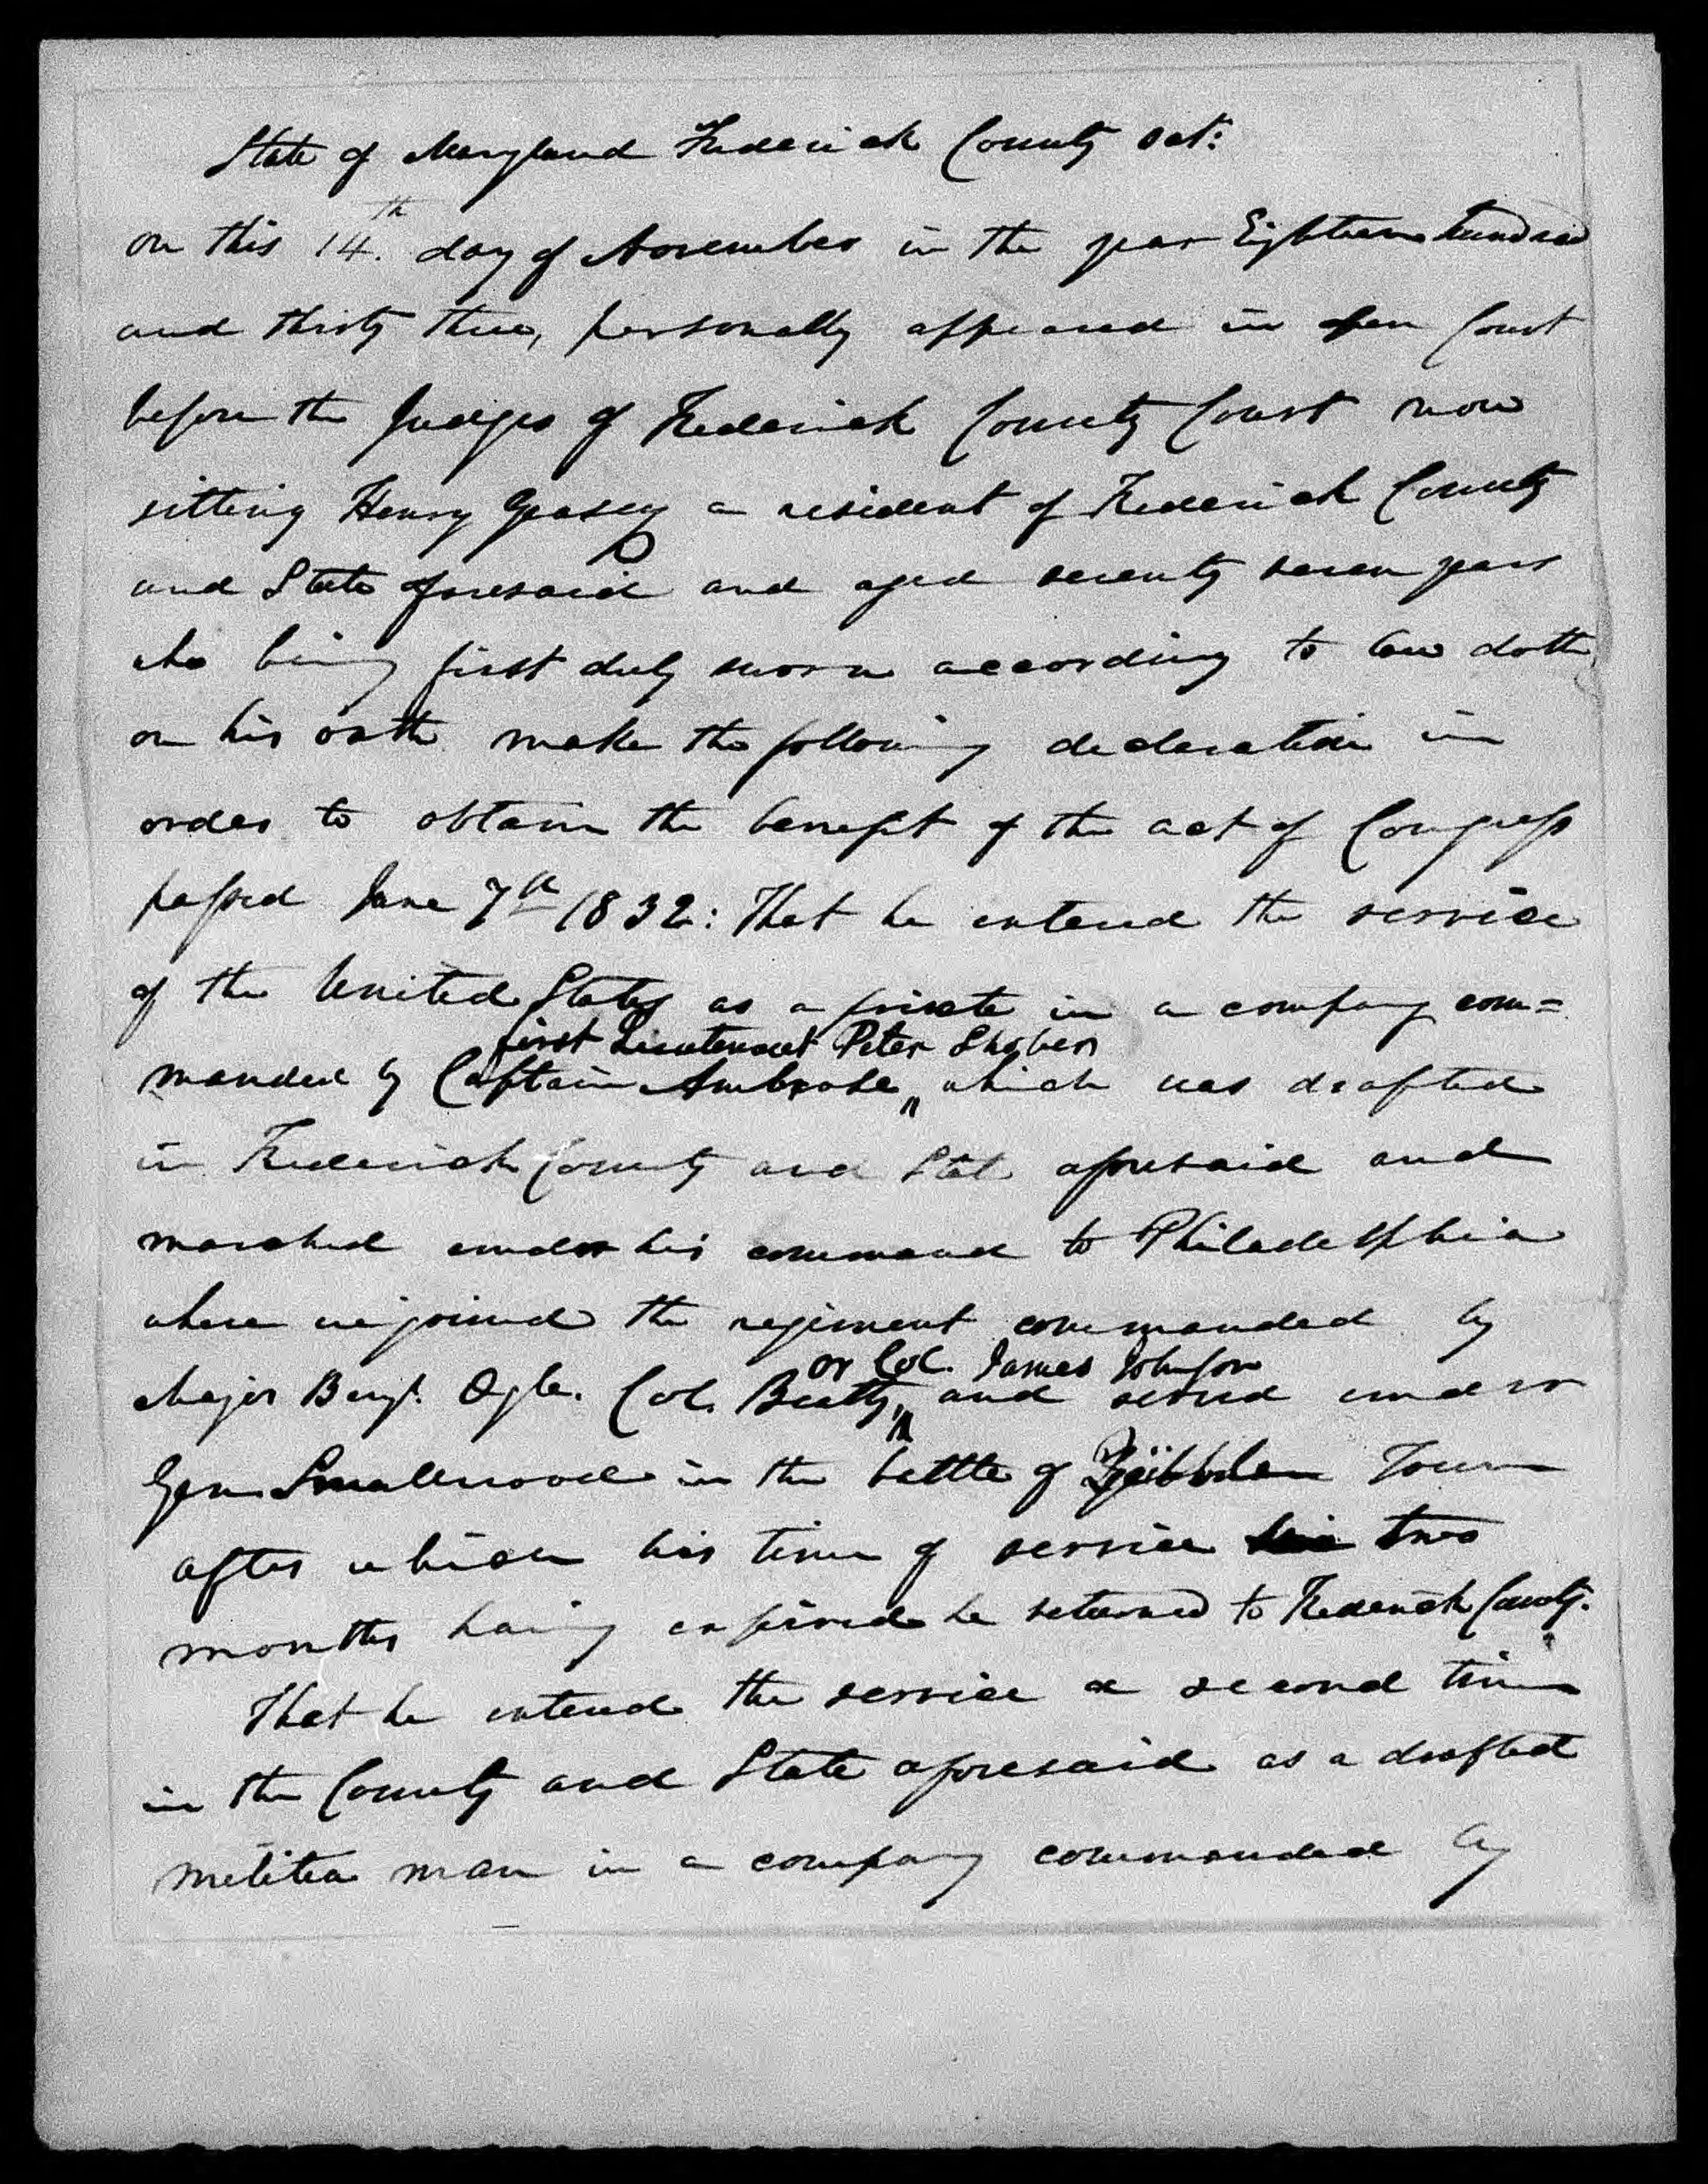State of Maryland Frederick County sst:

On this 14th day of November in the year Eighteen hundred
and thirty three, personally appeared in open Court
before the Judges of Frederick County Court now
sitting Henry Geasey a resident of Frederick County
and State aforesaid and aged seventy seven years
who being first duly sworn according to law doth
on his oath make the following declaration in
order to obtain the benefit of the act of Congress
passed June 7th 1832:  That he entered the service
of the United States as a private in a company com-
manded by Captain Ambrose first Lieutenant Peter Shober which was drafted
in Frederick County and State aforesaid and 
marched under his command to Philadelphia
where we joined the regiment commanded by
Major Benj. Ogle Col Beatty or Col. James Johnson and [illegible] under
Gen Smallwood in the battle of [illegible] Town 
after which his time of service [word scratched out] two
months having expired he returned to Frederick County

That he entered the service a second time
in the County and State aforesaid as a drafted
militia man in a company commanded by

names: James Johnson, Peter Shober, Smallwood, Ambrose, Benj Ogle, Henry Gearey, Beatty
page: 3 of 11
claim: survivor's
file: S. 8554, Henry Geasey, Md.